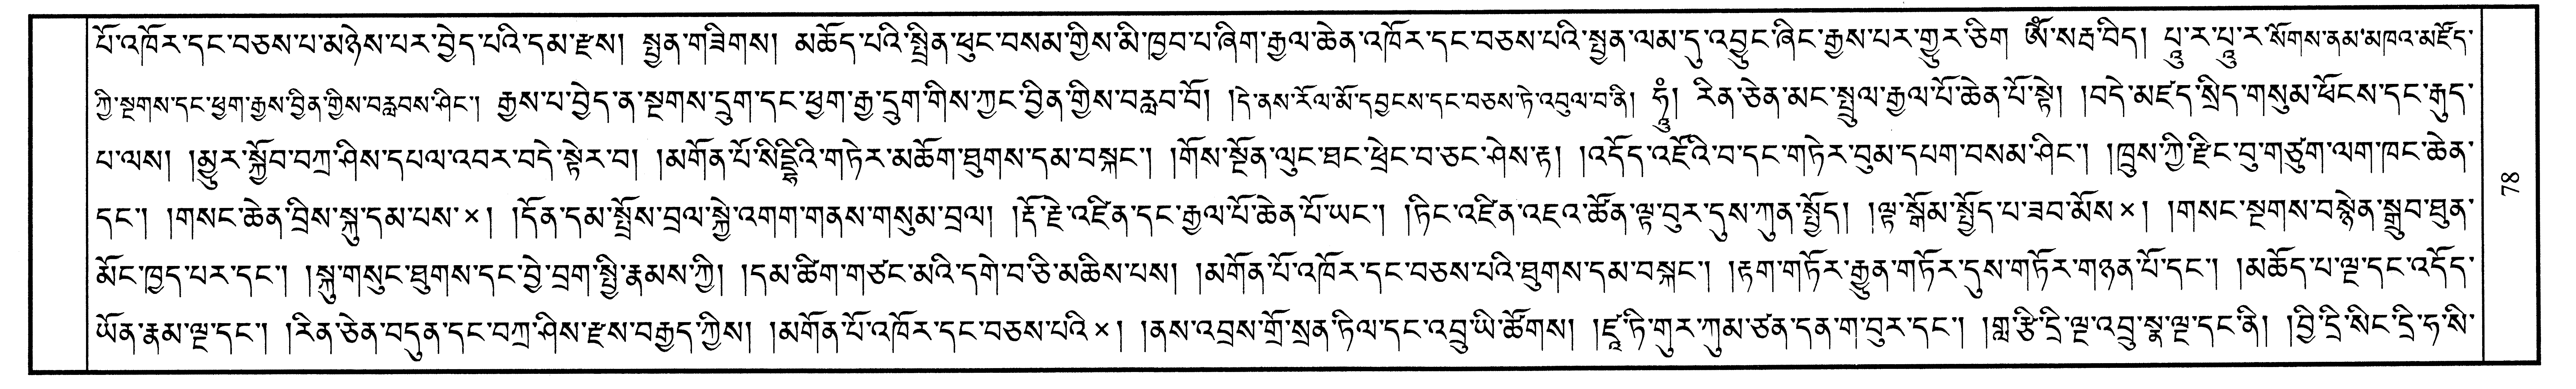པོ་འཁོར་དང་བཅས་པ་མཉེས་པར་བྱེད་པའི་དམ་རྫས། སྤྱན་གཟིགས། མཆོད་པའི་སྤྲིན་ཕུང་བསམ་གྱིས་མི་ཁྱབ་པ་ཞིག་རྒྱལ་ཆེན་འཁོར་དང་བཅས་པའི་སྤྱན་ལམ་དུ་འབྱུང་ཞིང་རྒྱས་པར་གྱུར་ཅིག །ཨོཾ་སརྦ་བིད། པཱུ་ར་པཱུ་ར་སོགས་ནམ་མཁའ་མཛོད་
ཀྱི་སྔགས་དང་ཕྱག་རྒྱས་བྱིན་གྱིས་བརླབས་ཤིང་། རྒྱས་པ་བྱེད་ན་སྔགས་དྲུག་དང་ཕྱག་རྒྱ་དྲུག་གིས་ཀྱང་བྱིན་གྱིས་བརླབ་བོ། །དེ་ནས་རོལ་མོ་དབྱངས་དང་བཅས་ཏེ་འབུལ་བ་ནི། ཧཱུཾ། རིན་ཅེན་མང་སྤྲུལ་རྒྱལ་པོ་ཆེན་པོ་སྟེ། །བདེ་མཛད་སྲིད་གསུམ་ཕོངས་དང་རྒུད་
པ་ལས། །མྱུར་སྐྱོབ་བཀྲ་ཤིས་དཔལ་འབར་བདེ་སྟེར་བ། །མགོན་པོ་སིདྡྷིའི་གཏེར་མཆོག་ཐུགས་དམ་བསྐང་། །གོས་སྔོན་ལུང་ཐང་ཕྲེང་བ་ཅན་ཤེས་རྟ། །འདོད་འཇོའི་བ་དང་གཏེར་བུམ་དཔག་བསམ་ཤིང་། །ཁྲུས་ཀྱི་རྫིང་བུ་གཙུག་ལག་ཁང་ཆེན་
དང་། །གསང་ཆེན་བྲིས་སྐུ་དམ་པས་྾། །དོན་དམ་སྤྲོས་བྲལ་སྐྱེ་འགག་གནས་གསུམ་བྲལ། །རྡོ་རྗེ་འཛིན་དང་རྒྱལ་པོ་ཆེན་པོ་ཡང་། །ཏིང་འཛིན་འཇའ་ཚོན་ལྟ་བུར་དུས་ཀུན་སྤྱོད། །ལྟ་སྒོམ་སྤྱོད་པ་ཟབ་མོས་྾། །གསང་སྔགས་བསྙེན་སྒྲུབ་ཐུན་
མོང་ཁྱད་པར་དང་། །སྐུ་གསུང་ཐུགས་དང་བྱེ་བྲག་སྤྱི་རྣམས་ཀྱི། །དམ་ཚིག་གཙང་མའི་དགེ་བ་ཅི་མཆིས་པས། །མགོན་པོ་འཁོར་དང་བཅས་པའི་ཐུགས་དམ་བསྐང་། །རྟག་གཏོར་རྒྱུན་གཏོར་དུས་གཏོར་གཉན་པོ་དང་། །མཆོད་པ་ལྔ་དང་འདོད་
ཡོན་རྣམ་ལྔ་དང་། །རིན་ཅེན་བདུན་དང་བཀྲ་ཤིས་རྫས་བརྒྱད་ཀྱིས། །མགོན་པོ་འཁོར་དང་བཅས་པའི་྾། །ནས་འབྲས་གྲོ་སྲན་ཏིལ་དང་འབྲུ་ཡི་ཚོགས། །ཛཱ་ཏི་གུར་ཀུམ་ཙན་དན་ག་བུར་དང་། །གླ་རྩི་དྲི་ལྔ་འབྲུ་སྣ་ལྔ་དང་ནི། །བྱི་དྲི་སིང་དྲི་ཧ་སི་